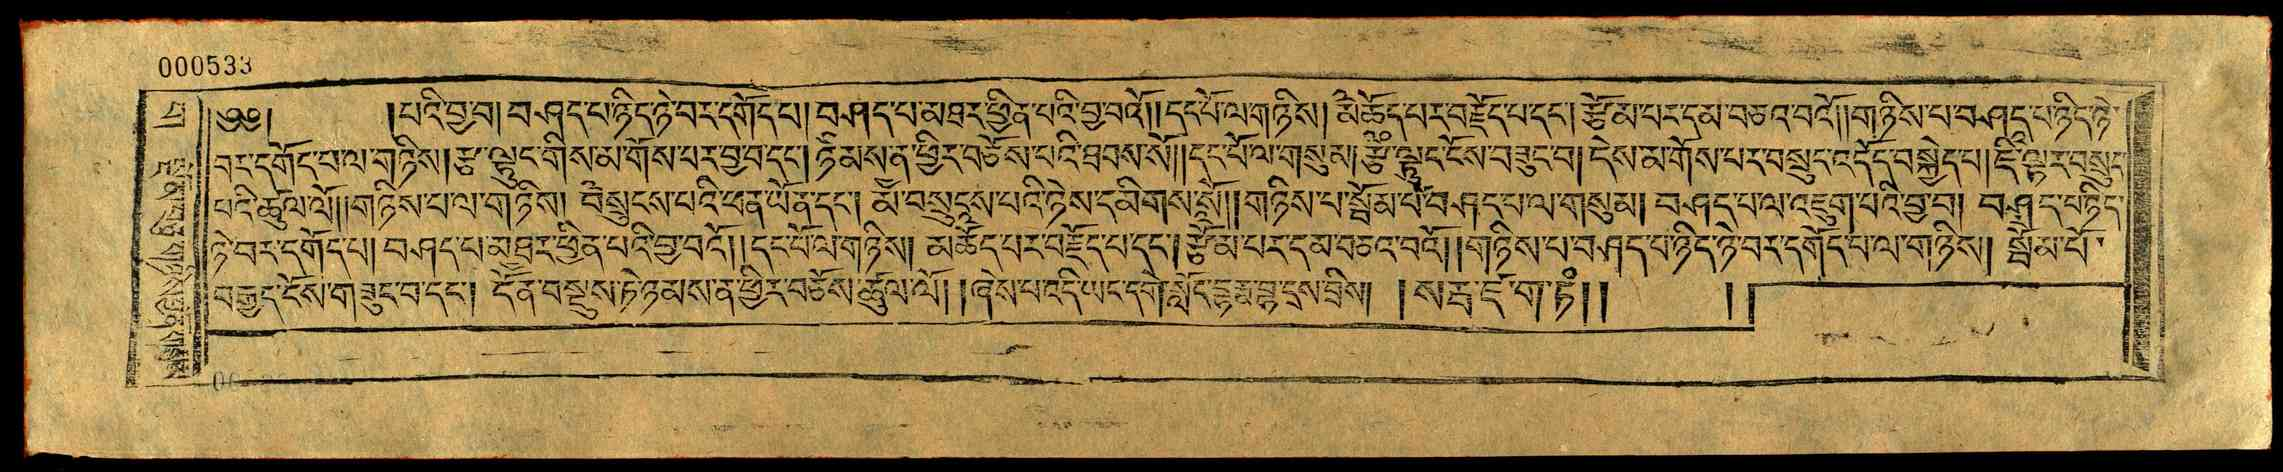༄༅། །པའི་བྱ་བ། བཤད་པ་ཉིད་ཉེ་བར་དགོད་པ། བཤད་པ་མཐར་ཕྱིན་པའི་བྱ་བའོ། །དང་པོ་ལ་གཉིས། ༥་མཆོད་པར་བརྗོད་པ་དང་། རྩོམ་པར་དམ་བཅའ་བའོ། །གཉིས་པ་བཤད་པ་ཉིད་ཉེ་
བར་དགོད་པ་ལ་གཉིས། རྩ་ལྟུང་གིས་མ་གོས་པར་བྱ་བ་དང་། ཉམས་ན་ཕྱིར་བཅོས་པའི་ཐབས་སོ། །དང་པོ་ལ་གསུམ། རྩ ༢༠་ལྟུང་ངོས་བཟུང་བ། དེས་མ་གོས་པར་བསྲུང་འདོད་བསྐྱེད་པ། ཇི་ལྟར་བསྲུང་
པའི་ཚུལ་ལོ། །གཉིས་པ་ལ་གཉིས། བསྲུངས་པའི་ཕན་ཡོན་དང་། མ ༤་བསྲུངས་པའི་ཉེས་དམིགས་སོ། །གཉིས་པ་སྦོམ་པོ་བཤད་པ་ལ་གསུམ། བཤད་པ་ལ་འཇུག་པའི་བྱ་བ། བཤད་པ་ཉིད་
ཉེ་བར་དགོད་པ། བཤད་པ་མཐར་ཕྱིན་པའི་བྱ་བའོ། །དང་པོ་ལ་གཉིས། མཆོད་པར་བརྗོད་པ་དང་། རྩོམ་པར་དམ་བཅའ་བའོ། །གཉིས་པ་བཤད་པ་ཉིད་ཉེ་བར་དགོད་པ་ལ་གཉིས། སྦོམ་པོ་
བརྒྱད་ངོས་གཟུང་བ་དང་། དོན་བསྡུས་ཏེ་ཉམས་ན་ཕྱིར་བཅོས་ཚུལ་ལོ། །ཞེས་པ་འདི་ཡང་དགེ་སློང་དྷརྨ་བྷ་དྲས་བྲིས། །སརྦ་ཛ་ག་ཏཾ། ། །